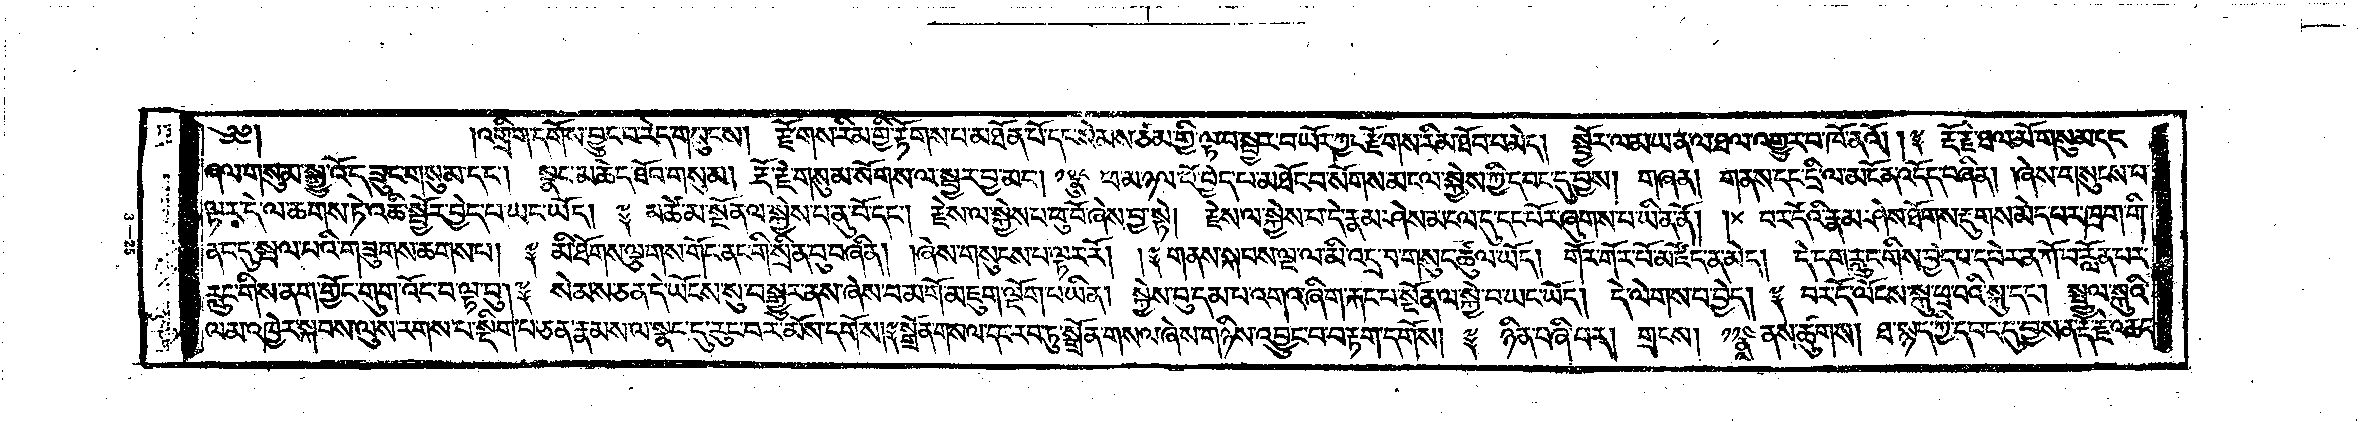༄༅། །འགྲིག་དགོས་བྱུང་བ་རེད་གསུངས། རྫོགས་རིམ་གྱི་རྟོགས་པ་མཐོན་པོ་དང་སེམས་ཙམ་གྱི་ལྟ་བ་སྦྱར་བ་ཡོད་ཀྱང་རྫོགས་རིམ་ཐོབ་པ་མེད། སྦྱོར་ལམ་ཡན་ལ་ཐལ་འགྱུར་བ་ཁོ་ནའོ། །༈ རྡོ་རྗེ་ཐལ་མོ་གསུམ་དང་
ཞལ་གསུམ་སྒྱུ་འོད་ཟུང་གསུམ་དང་། སྣང་མཆེད་ཐོབ་གསུམ། རྡོ་རྗེ་གསུམ་སོགས་ལ་སྦྱར་བྱ་མང་། ༡༠༨ན༦་ཕ་མཉལ་པོ་བྱེད་པ་མཐོང་བ་སོགས་མངལ་སྐྱེས་ཀྱི་དབང་དུ་བྱས། གཞན། གནས་དང་དྲི་ལ་མངོན་འདོད་བཞིན། །ཞེས་གསུངས་པ་
ལྟར་དེ་ལ་ཆགས་ཏེ་འཆི་སྦྱོར་བྱེད་པ་ཡང་ཡོད། ༈ མཚེམ་སྔོན་ལ་སྐྱེས་པ་ནུ་བོ་དང་། རྗེས་ལ་སྐྱེས་པ་ཕུ་བོ་ཞེས་བྱ་སྟེ། རྗེས་ལ་སྐྱེས་པ་དེ་རྣམ་ཤེས་མངལ་དུ་དང་པོར་ཞུགས་པ་ཡིན་ནོ། །བར་དོའི་རྣམ་ཤེས་ཐོགས་རྡུགས་མེད་པར་ཁྲག་གི་
ནང་དུ་སྦལ་པའི་གཟུགས་ཆགས་པ། ༈ མི་ཐོགས་ལྕགས་གོང་ནང་གི་སྲིན་བུ་བཞིན། །ཞེས་གསུངས་པ་ལྟར་རོ། །༈ གནས་སྐབས་ལྔ་ལ་མི་འདྲ་བ་གསུང་ཚུལ་ཡོད། གོར་གོར་པོ་མཛོད་ན་མེད། དེ་དག་རླུང་གིས་བྱེད་པ་དཔེར་ན་ཀོ་བ་རློན་པར་
རླུང་གིས་ནག་གྱོང་གུག་འོང་བ་ལྟ་བུ། ༈ སེམས་ཅན་དེ་ཡོངས་སུ་བསྒྱུར་ནས་ཞེས་པ་མགོ་མཇུག་ལྡོག་པ་ཡིན། སྐྱེས་བུ་དམ་པ་འགའ་ཞིག་རྐང་པ་སྔོན་ལ་སྐྱེ་བ་ཡང་ཡོད། དེ་ལེགས་པ་བྱེད། ༈ བར་དོ་ལོངས་སྐུ་ཕྲ་བའི་སྐུ་དང་། སྤྲུལ་སྐུའི་
ལམ་འཁྱེར་སྐབས་ལུས་རགས་པ་སྡིག་པ་ཅན་རྣམས་ལ་སྣང་དུ་རུང་བར་མོས་དགོས། ༈ སྒྲོན་གསལ་དང་རབ་ཏུ་སྒྲོན་གསལ་ཞེས་གཉིས་འབྱུང་བ་བརྟག་དགོས། ༈ ཉིན་བཞི་བར། གྲངས། ༡༡༤ན༢་ནས་ཚུགས། ཐ་སྙད་ཀྱི་དབང་དུ་བྱས་ན་རྡོ་རྗེ་འཆད་